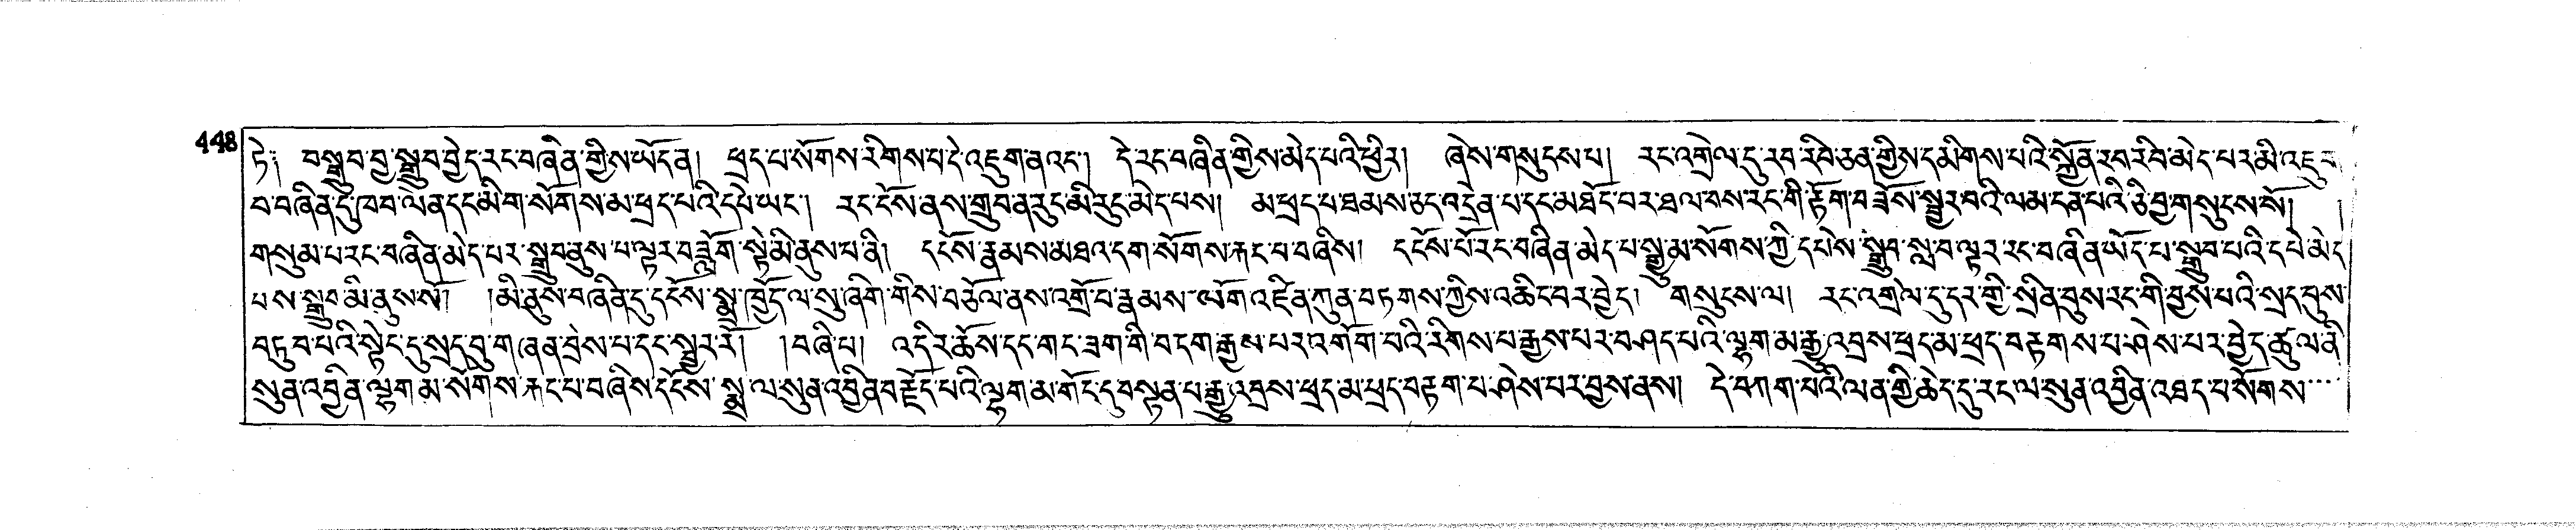ཏེ། བསྒྲུབ་བྱ་སྒྲུབ་བྱེད་རང་བཞིན་གྱིས་ཡོད་ན། ཕྲད་པ་སོགས་རིགས་པ་དེ་འཇུག་ནའང་། དེ་རང་བཞིན་གྱིས་མེད་པའི་ཕྱིར། ཞེས་གསུངས་པ། རང་འགྲེལ་དུ་རབ་རིབ་ཅན་གྱིས་དམིགས་པའི་སྐྱོན་རབ་རིབ་མེད་པར་མི་འཇུག་
བ་བཞིན་དུ་ཁབ་ལེན་དང་མིག་སོགས་མ་ཕྲད་པའི་དཔེ་ཡང་། རང་ངོས་ནས་གྲུབ་ན་རུང་མི་རུང་མེད་པས། མ་ཕྲད་པ་ཐམས་ཅད་འདྲེན་པ་དང་མཐོང་བར་ཐལ་བས་རང་གི་རྟོགས་བཟོས་སྦྱར་བའི་ལམ་དན་པའི་ཅི་བྱ་གསུངས་སོ། །
གསུམ་པ་རང་བཞིན་མེད་པར་སྒྲུབ་ནུས་པ་ལྟར་བཟློག་སྟེ་མི་ནུས་པ་ནི། དངོས་རྣམས་མཐའ་དག་སོགས་རྐང་པ་བཞིས། དངོས་པོ་རང་བཞིན་མེད་པ་སྒྱུ་མ་སོགས་ཀྱི་དཔེས་སྒྲུབ་སླ་བ་ལྟར་རང་བཞིན་ཡོད་པ་སྒྲུབ་པའི་དཔེ་མེད་
པས་སྒྲུབ་མི་ནུས་སོ། །མི་ནུས་བཞིན་དུ་དངོས་སྨྲ་ཁྱོད་ལ་སུ་ཞིག་གིས་བཅོལ་ནས་འགྲོ་བ་རྣམས་ལོག་འཛིན་ཀུན་བཏགས་ཀྱིས་འཆིང་བར་བྱེད། གསུངས་ལ། རང་འགྲེལ་དུ་དར་གྱི་སྲིན་བུས་རང་གི་བྱས་པའི་སྲད་བུས་
བཏུབ་པའི་སྟེང་དུ་སྲད་བུ་གཞན་བྲེས་པ་དང་སྦྱར་རོ། །བཞི་པ། འདིར་ཆོས་དང་གང་ཟག་གི་བདག་རྒྱས་པར་འགོག་པའི་རིགས་པ་རྒྱས་པར་བཤད་པའི་ལྷག་མ་རྒྱུ་འབྲས་ཕྲད་མ་ཕྲད་བརྟགས་པ་ཤེས་པར་བྱེད་ཚུལ་ནི་
སུན་འབྱིན་ལྷག་མ་སོགས་རྐང་པ་བཞིས་དངོས་སྨྲ་ལ་སུན་འབྱིན་བརྗོད་པའི་ལྷག་མ་གོང་དུ་བསྟན་པ་རྒྱུ་འབྲས་ཕྲད་མ་ཕྲད་བརྟག་པ་ཤེས་པར་བྱས་ནས། དེ་བཀག་པའི་ལན་གྱི་ཆེད་དུ་རང་ལ་སུན་འབྱིན་འཐད་པ་སོགས་